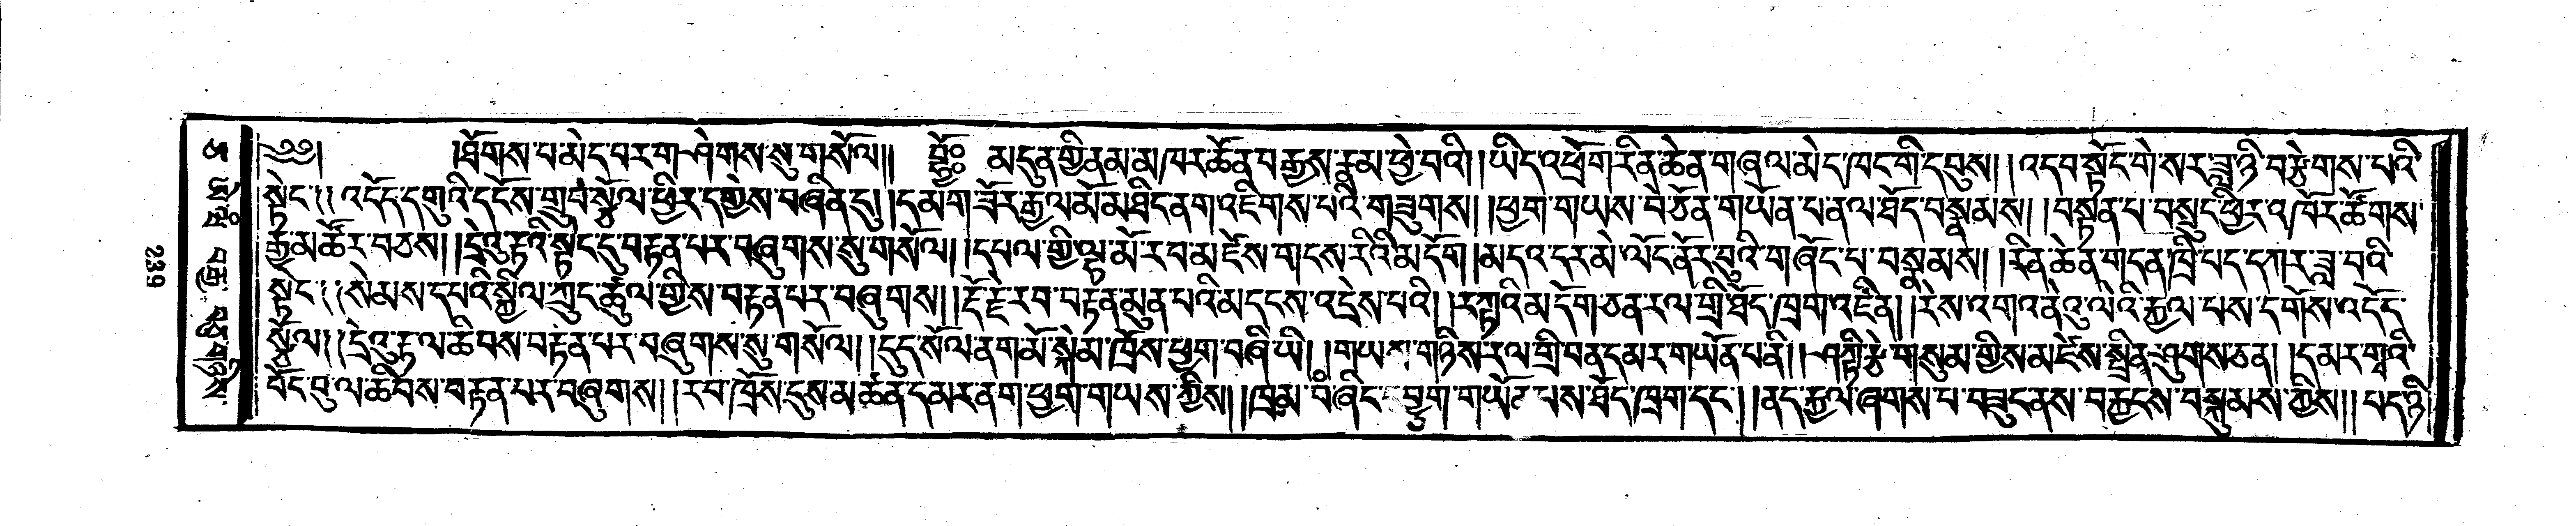༄༅། །ཐོགས་པ་མེད་པར་གཤེགས་སུ་གསོལ།། བྷྱོཿ མདུན་གྱི་ནམ་མཁར་ཆོན་བརྒྱས་རྣམ་ཕྱེ་བའི། །ཡིད་འཕྲོག་རིན་ཆེན་གཞལ་མེད་ཁང་གི་དབུས། །འདབ་སྟོང་གེ་སར་ཟླ་ཉི་བརྩེགས་པའི་
སྟེང༑ ༑འདོད་དགུའི་དངོས་གྲུབ་སྩོལ་ཕྱིར་དགྱེས་བཞིན་དུ། །དམག་ཟོར་རྒྱལ་མོ་མཐིང་ནག་འཇིགས་པའི་གཟུགས། །ཕྱག་གཡས་བེ་ཅོན་གཡོན་པ་ནལ་ཐོད་བསྣམས། །བསྟན་པ་བསྲུང་ཕྱིར་འཁོར་ཚོགས་
རྒྱ་མཚོར་བཅས། །དྲེའུ་རྟའི་སྟེང་དུ་བརྟན་པར་བཞུགས་སུ་གསོལ། །དཔལ་གྱི་ལྷ་མོ་རབ་མཛེས་གངས་རིའི་མདོག །མདའ་དར་མེ་ལོང་ནོར་བུའི་གཞོང་པ་བསྣམས། །རིན་ཆེན་གདན་ཁྲི་པད་དཀར་ཟླ་བའི་
སྟེང༑ ༑སེམས་དཔའི་སྐྱིལ་ཀྲུང་ཚུལ་གྱིས་བརྟན་པར་བཞུགས། །རྡོ་རྗེ་རབ་བརྟན་མུན་པའི་མདངས་འདྲེས་པའི། །རཀྟའི་མདོག་ཅན་རལ་གྲི་ཐོད་ཁྲག་འཛིན། །རེས་འགའ་ནེའུ་ལེའི་རྐྱལ་པས་དགོས་འདོད་
སྩོལ༑ ༑དྲེའུ་རྟ་ལ་ཆིབས་བརྟན་པར་བཞུགས་སུ་གསོལ། །དུད་སོལ་ནག་མོ་སྐེམ་ཁྲོས་ཕྱག་བཞི་ཡི། །གཡས་གཉིས་རལ་གྲི་བན་དམར་གཡོན་པ་ནི། །ཤཀྟི་རྩེ་གསུམ་གྱིས་མཛེས་སྤྲིན་ཤུགས་ཅན། །དམར་གྭའི་
བོང་བུ་ལ་ཆིབས་བརྟན་པར་བཞུགས། །རབ་ཁྲོས་དུས་མཚན་དམར་ནག་ཕྱག་གཡས་ཀྱིས། །ཁྲམ་པ་ཞིང་དབྱུག་གཡོན་པས་ཐོད་ཁྲག་དང་། །ནད་རྐྱལ་ཞགས་པ་བཟུང་ནས་བརྐྱངས་བསྐུམས་ཀྱིས། །པད་ཉི་